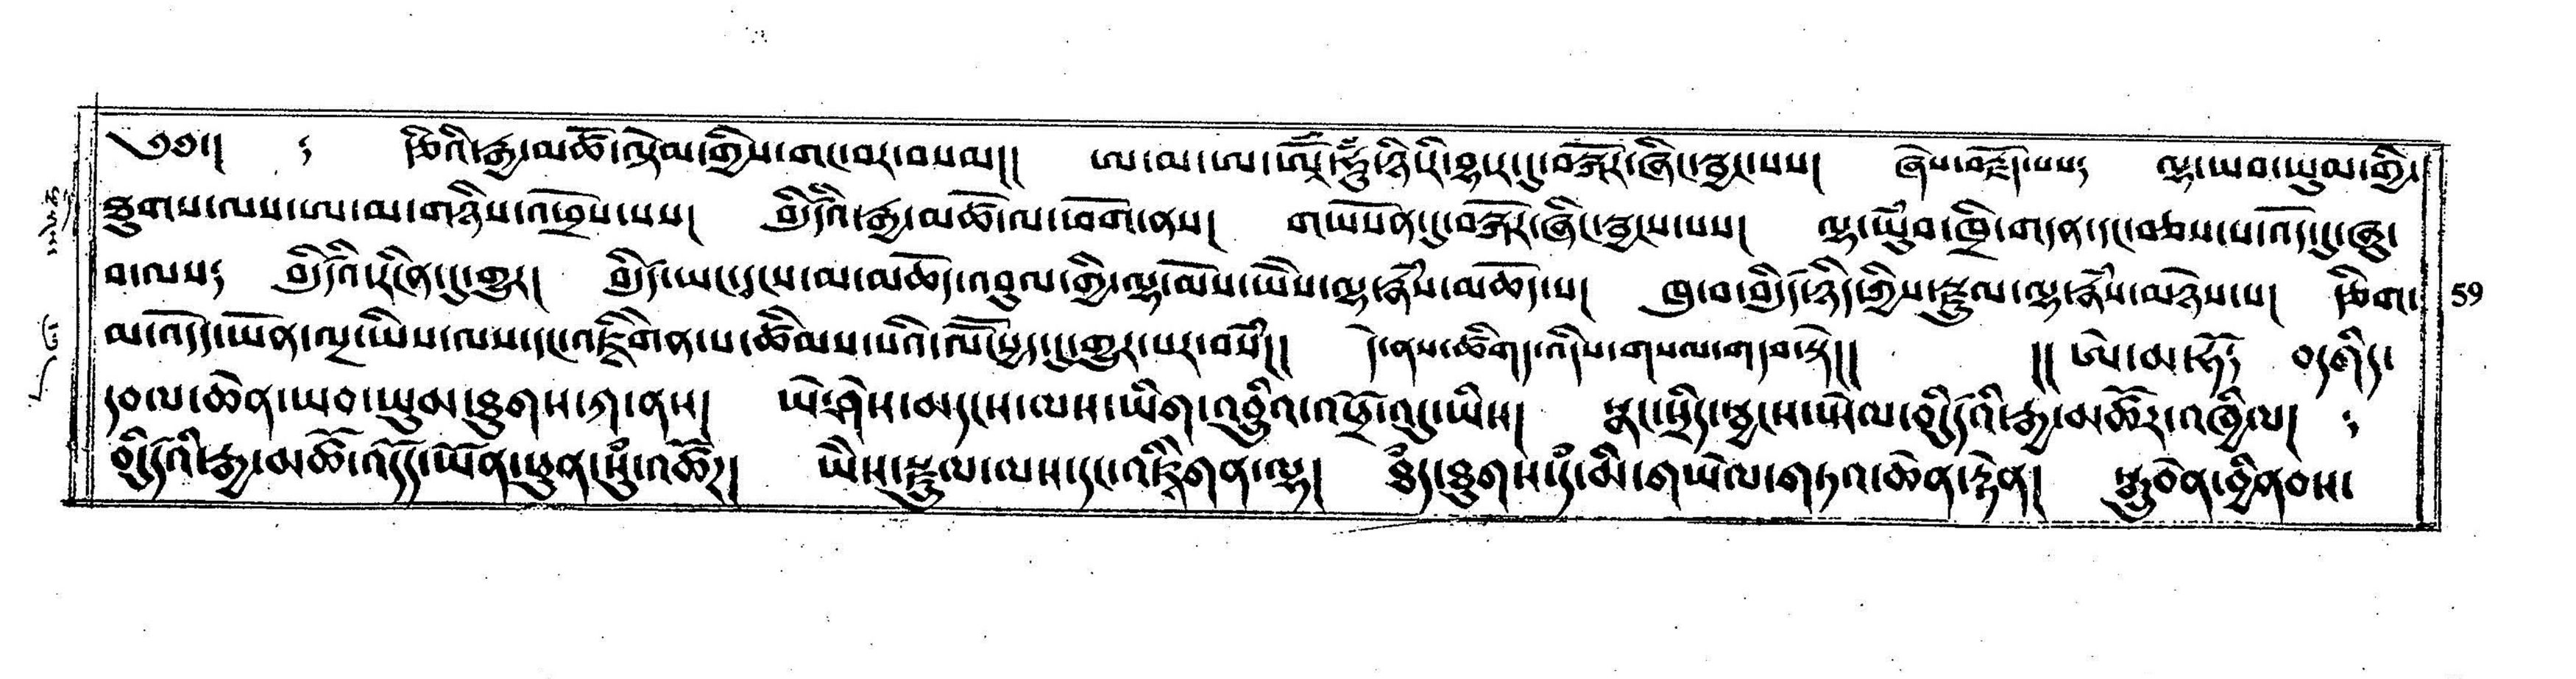རྩིའི་རྒྱ་མཚོ་ལྟེམ་གྱིས་གང་བར་བསམ།། ཨ་མ་ཨ་ཨཱོཾ་ཧཱུྃ་ཉི་རི་བྷ་ར་དུ་བསྐོར་ཞིང་སྦྱང་པས། ཞེས་བརྗོད་པས ལྷ་ཡབ་ཡུམ་གྱི་
ཐུགས་ལས་ཨ་མ་གཉིས་འཕྲོས་པས། བདུད་རྩིའི་རྒྱ་མཚོ་ལ་ཕོག་ནས། གཡས་གཡོན་དུ་བསྐོར་ཞིང་སྦྱངས་པས། ལྷ་ཡབ་ཡུམ་ཁྲི་གདན་དང་བཅས་པ་འོད་དུ་ཞུ་
བ་ལས། བདུད་རྩིའི་རང་བཞིན་དུ་གྱུར། བདུད་རྩི་ཡང་དྭངས་མ་མཆོད་འབུལ་གྱི་ལྷ་མོས་ཡེ་ཤེས་ལྷ་རྣམས་མཆོད་པ། ཁུ་བ་བདུད་རྩི་ཉིད་ཀྱིས་རྫུ་འཕྲུལ་ལྷ་རྣམས་མཉེས་པ། རྩིག་
མ་འདོད་ཡོན་ལྔ་ཡིས་ལས་དང་འཇིག་རྟེན་པ་ཚིམས་པའི་ལོངས་སྤྱོད་དུ་གྱུར་པར་བསམ།། དེ་ནས་ཚིག་བཤད་འདིས་གསལ་གདབ་སྟེ།། །།ཨེ་མ་ཧོ བདག་ཉིད་
དབལ་ཆེན་ཡབ་ཡུམ་ཐུགས་ཀ་ནས། ཡེ་ཤེས་མདངས་ལས་ཡིག་འབྲུའི་འཕྲོ་འདུ་ཡིས། སྣང་སྲིད་སྦྱངས་སྤེལ་བདུད་རྩིའི་རྒྱ་མཚོར་འཁྱིལ། 
བདུད་རྩིའི་རྒྱ་མཚོ་འདོད་ཡོན་ཕུན་སུམ་འཚོགས། ཡེ་ཤེས་རྫུ་འཕྲུལ་ལས་དང་འཇིག་རྟེན་ལྷ། ཐམས་ཅད་ཐུགས་དམ་མི་གཡེལ་གཏའ་ཆེན་རྟེན། སྒྲུབ་གཤེན་བྱིན་རླབས་